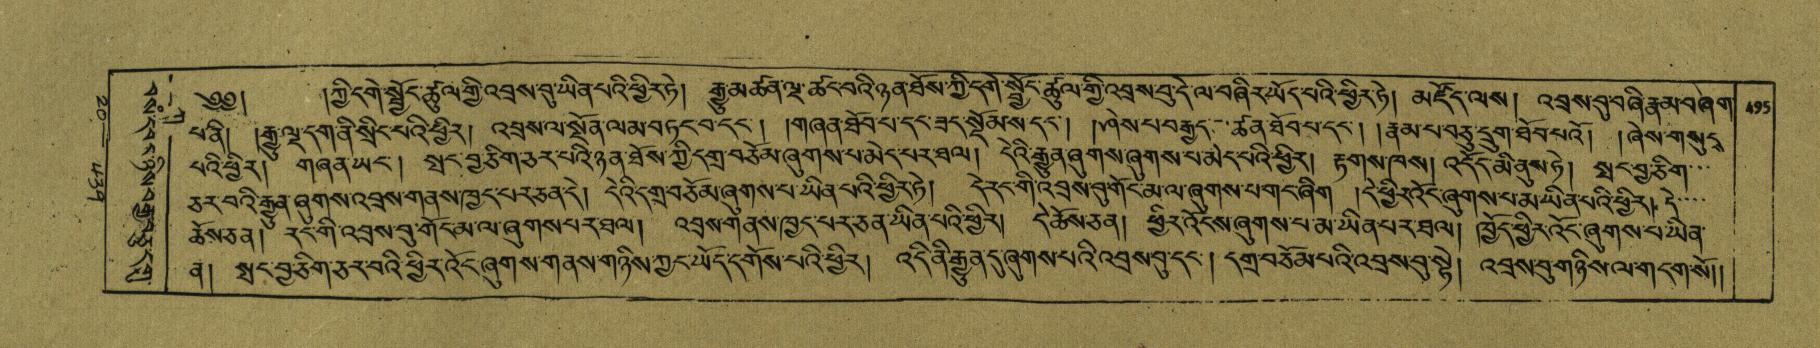༄༅། །ཀྱི་དགེ་སྦྱོང་ཚུལ་གྱི་འབྲས་བུ་ཡིན་པའི་ཕྱིར་ཏེ། རྒྱུ་མཚན་ལྔ་ཚང་བའི་ཉན་ཐོས་ཀྱི་དགེ་སྦྱོང་ཚུལ་གྱི་འབྲས་བུ་དེ་ལ་བཞིར་ཡོད་པའི་ཕྱིར་ཏེ། མཛོད་ལས། འབྲས་བུ་བཞི་རྣམ་བཞག་
པ་ནི། །རྒྱུ་ལྔ་དག་ནི་སྲིད་པའི་ཕྱིར། འབྲས་ལ་སྔོན་ལམ་བཏང་བ་དང་། །གཞན་ཐོབ་པ་དང་ཟད་སྡོམ་ས་དང་། །ཤེས་པ་བརྒྱད་མཚན་ཐོབ་པ་དང་། །རྣམ་པ་བཅུ་དྲུག་ཐོབ་པའོ། །ཞེས་གསུངས་
པའི་ཕྱིར། གཞན་ཡང་། སྤང་བྱ་ཅིག་ཅར་པའི་ཉན་ཐོས་ཀྱི་དགྲ་བཅོམ་ཞུགས་པ་མེད་པར་ཐལ། དེའི་རྒྱུན་ཞུགས་ཞུགས་པ་མེད་པའི་ཕྱིར། རྟགས་ཁས། འདོད་མི་ནུས་ཏེ། སྤང་བྱ་ཅིག་
ཅར་བའི་རྒྱུན་ཞུགས་འབྲས་གནས་ཁྱད་པར་ཅན་དེ། དེའི་དགྲ་བཅོམ་ཞུགས་པ་ཡིན་པའི་ཕྱིར་ཏེ། དེ་རང་གི་འབྲས་བུ་གོང་མ་ལ་ཞུགས་པ་གང་ཞིག །དེ་ཕྱི་རའོང་ཞུགས་པ་མ་ཡིན་པའི་ཕྱིར། དེ་
ཆོས་ཅན། རང་གི་འབྲས་བུ་གོང་མ་ལ་ཞུགས་པར་ཐལ། འབྲས་གནས་ཁྱད་པར་ཅན་ཡིན་པའི་ཕྱིར། དེ་ཆོས་ཅན། ཕྱིར་འོངས་ཞུགས་པ་མ་ཡིན་པར་ཐལ། ཁྱོད་ཕྱིར་འོང་ཞུགས་པ་ཡིན་
ན། སྤང་བྱ་ཅིག་ཅར་བའི་ཕྱིར་འོང་ཞུགས་གནས་གཉིས་ཀྱང་ཡོད་དགོས་པའི་ཕྱིར། འདི་ནི་རྒྱུན་དུ་ཞུགས་པའི་འབྲས་བུ་དང་། དགྲ་བཅོམ་པའི་འབྲས་བུ་སྟེ། འབྲས་བུ་གཉིས་ལ་གདག་སོ།།